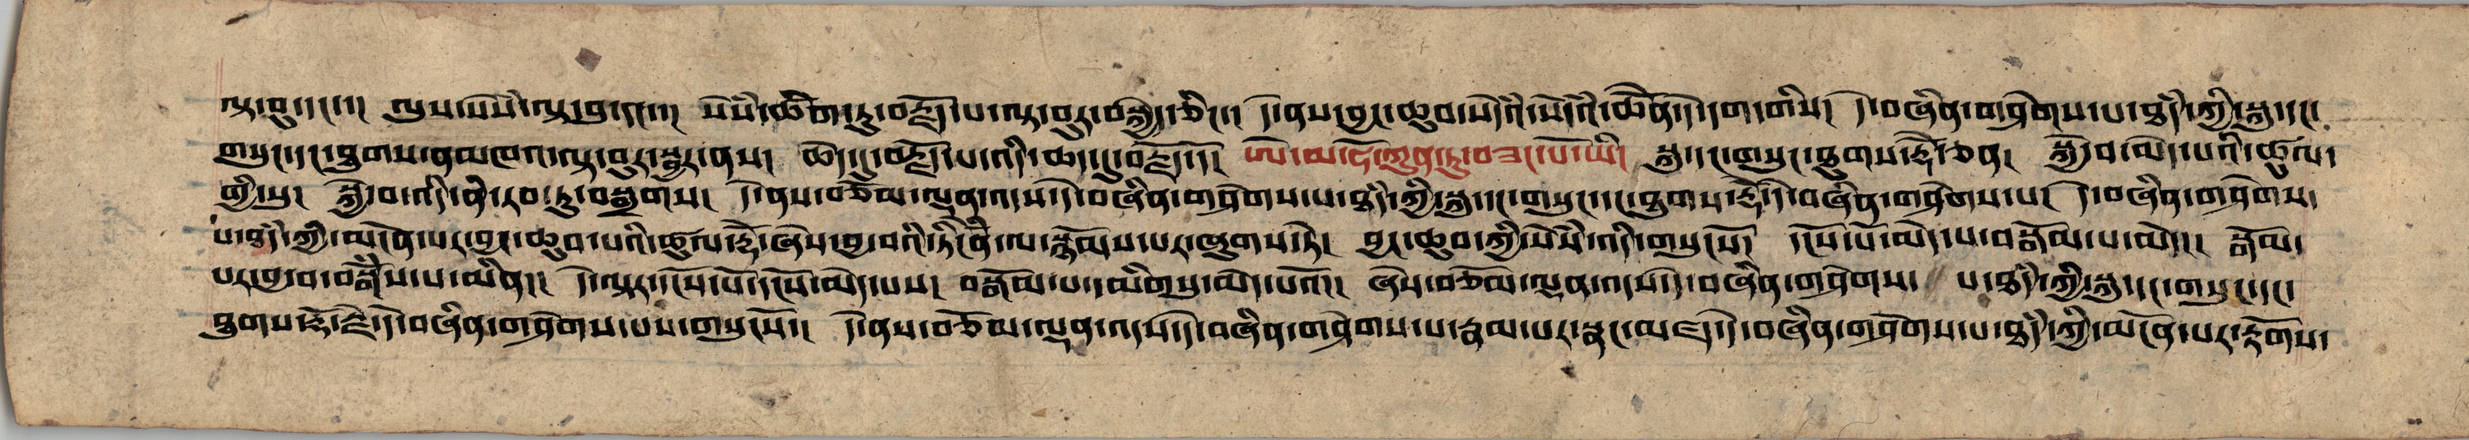ལྟ་བུ་དང་་། ལུས་སེསཾ་ལྟ་བུ་དང་་། སེསཾ་ཚིག་ཏུ་བརྗོད་པ་ལྟ་བུར་བསྐྱེད་ཅིང་། དེ་ནས་བྱང་ཆུབ་སེདཾའ་སེདཾའ་ཆེོན་དེ་དག་གིས། དེ་བཞིན་གཤེགས་པ་ཐཾད་ཀྱི་སྐུ་དང་
གསུང་དང་ཐུགས་ནམཁའ་ལྟ་བུར་སྦྱར་ནས། ཆེད་དུ་བརྗོད་པ་འདི་ཆད་དུ་བརྗོད་དོ། ཨེ་མ་ཧོ་ཀུན་ཏུ་བཟང་པོ་ཡི། སྐུ་དང་གསུང་ཐུགས་རྡོེ་ཅན། སྐྱེ་བ་མེད་པའི་ཚུལ་
གྱི་སུ། སྐྱེ་བ་འདི་ནི་རབ་ཏུ་བསྒྲགས། དེ་ནས་བཅོམ་ལྡན་འདས་དེ་བཞིན་གཤེགས་པ་ཐཾད་ཀྱི་སྐུ་དང་གསུང་དང་ཐུགས་རྡོེ་དེ་བཞིན་གཤེགས་པ། དེ་བཞིན་གཤེགས་
པ་ཐཾད་ཀྱི་མངོན་པར་བྱང་ཆུབ་པའི་ཚུལ་རྡོེ་ཞེས་བྱ་བའི་ཏིངེཛིན་ལ་སྙོམས་པར་ཞུགས་ཏེ་། བྱང་ཆུབ་ཀྱི་སེཾས་འདི་གསུངསོ། དངོས་པོ་མེད་པ་བསྒོམ་པ་མེད་། སྒོམ་
པར་བྱ་བ་བསྒོཾས་པ་མིན།། དེ་ལྟར་དངོས་པོ་དངོས་མེད་པས། བསྒོམ་པ་དམིགསུ་མེད་པའོ།། ཞེས་བཅཽམ་ལྡན་འདས་དེ་བཞིན་གཤེགས་ པ་ཐཾད་ཀྱི་སྐུ་དང་གསུང་དང་
ཐུགས་རྡོ་རྗེ་དེ་བཞིན་གཤེགས་པས་གསུངསོ་། དེ་ནས་བཅོམ་ལྡན་འདས་དེ་བཞིན་གཤེགས་པ་རྣམ་པར་སྣང་མཛད་དེ་བཞིན་གཤེགས་པ་ཐཾད་ཀྱི་མངོན་པར་རྟོགས་